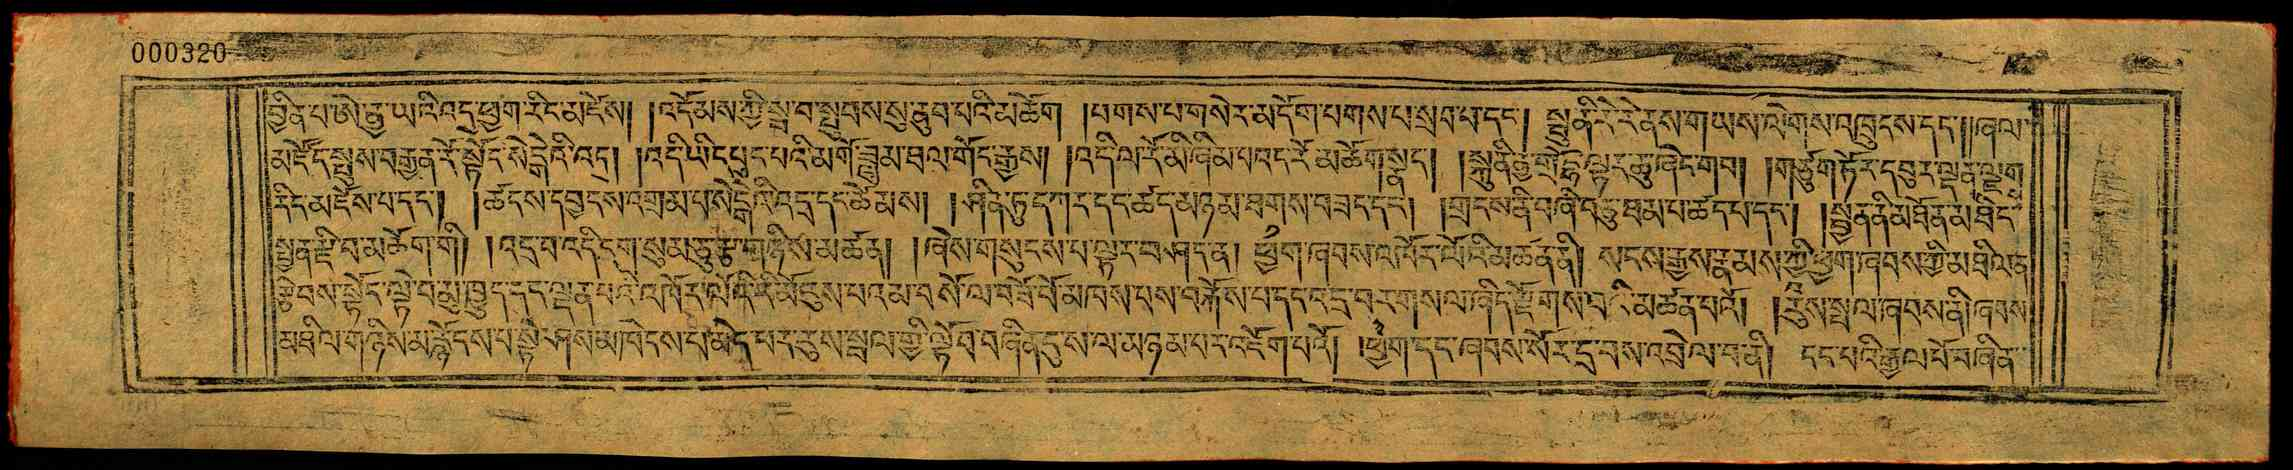བྱིན་པ་ཨེ་ནྱ་ཡའི་འདྲ་ཕྱག་ཅིང་མཛེས། །འདོམས་ཀྱི་སྦ་བ་སྦུབས་སུ་ནུབ་པའི་མཆོག །པགས་པ་གསེར་མདོག་པགས་པ་སྲབ་པ་དང་། སྤུ་ནི་རེ་རེ་ནས་གཡས་ལེགས་འཁྲུངས་དང་། །ཞལ་
མཛོད་སྤུས་བརྒྱན་རོ་སྟོད་སེངྒེའི་འདྲ། །འདི་ཡི་དཔུང་པའི་མགོ་ཟླུམ་ཐལ་གོང་རྒྱས། །འདི་ལ་རོ་མི་ཞིམ་པའང་རོ་མཆོག་སྣང་། །སྐུ་ནི་ནྱ་གྲོ་དྷ་ལྟར་ཆུ་ཞེང་གབ། །གཙུག་ཏོར་དབུར་ལྡན་ལྗགས་
རིང་མཛེས་པ་དང་། །ཚངས་དབྱངས་འགྲམ་པ་སེངྒེའི་འདྲ་དང་ཚེམས། །ཤིན་ཏུ་དཀར་དང་ཚད་མཉམ་ཐགས་བཟང་དང་། །གྲངས་ནི་བཞི་བཅུ་ཐམ་པ་ཚང་བ་དང་། །སྤྱན་ནི་མཐོན་མཐིང་
སྤྱན་རྫི་བ་མཆོག་གི །འདྲ་བ་འདི་དག་སུམ་ཅུ་རྩ་གཉིས་མཚན། །ཞེས་གསུངས་པ་ལྟར་བཤད་ན། ༡་ཕྱག་ཞབས་འཁོར་ལོའི་མཚན་ནི། སངས་རྒྱས་རྣམས་ཀྱི་ཕྱག་ཞབས་ཀྱི་མཐིལ་ན་
རྩིབས་སྟོང་ལྟེ་བ་མུ་ཁྱུད་དང་ལྡན་པའི་འཁོར་ལོའི་རི་མོ་རུས་པའམ་བ་སོ་ལ་བཟོ་བོ་མཁས་པས་བརྐོས་པ་དང་འདྲ་བར་གསལ་ཞིང་རྫོགས་པས་མཚན་པའོ། །༢་རུས་སྦལ་ཞབས་ནི། ཞབས་
མཐིལ་གཉིས་མ་རྙོངས་པ་སྟེ་ཤས་མ་ཁེངས་པ་མེད་པར་རུས་སྦལ་གྱི་ལྟོ་བ་བཞིན་དུ་ས་ལ་མཉམ་པར་འཇོག་པའོ། །༣་ཕྱག་དང་ཞབས་སོར་དྲ་བས་འབྲེལ་བ་ནི། དང་པའི་རྒྱལ་པོ་བཞིན་